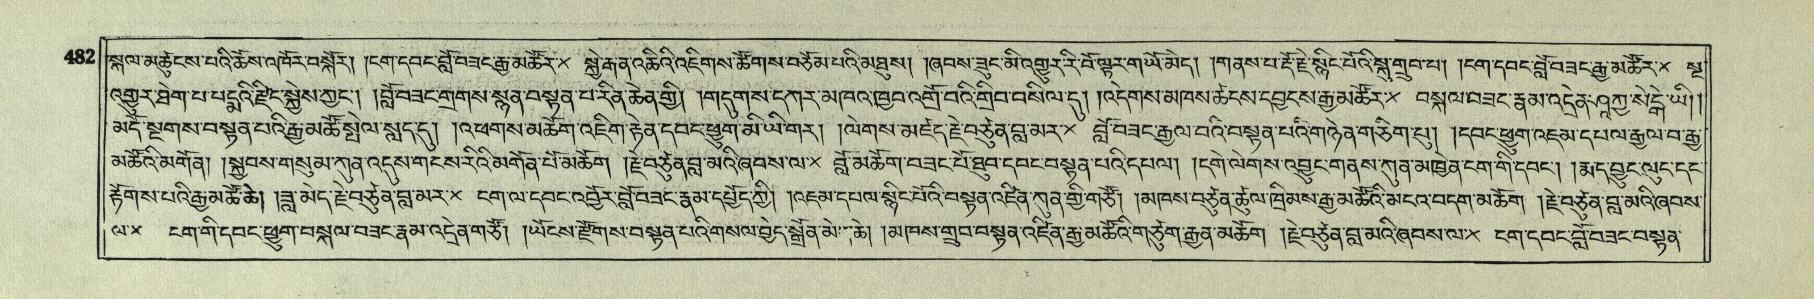སྐལ་མཚུངས་པའི་ཆོས་འཁོར་བསྐོར། །ངག་དབང་བློ་བཟང་རྒྱ་མཚོར་྾་སྐྱེ་རྒ་ན་འཆིའི་འཇིགས་ཚོགས་བཅོམ་པའི་མཐུས། །ཞབས་ཟུང་མི་འགྱུར་རི་བོ་ལྟར་གཡོ་མེད། །གནས་པ་རྡོ་རྗེ་སྙིང་པོའི་སྐུ་གྲུབ་པ། །ངག་དབང་བློ་བཟང་རྒྱ་མཚོར་྾་སྔ་
འགྱུར་ཐེག་པ་པདམའི་རྫིང་སྐྱེས་ཀྱང་། །བློ་བཟང་གྲགས་སྙན་བསྟན་པ་རིན་ཆེན་གྱི། །གདུགས་དཀར་མཁའ་ཁྱབ་འགྲོ་བའི་གྲིབ་བསིལ་དུ། །འདེགས་མཁས་ཚངས་དབྱངས་རྒྱ་མཚོར་྾་བསྐལ་བཟང་རྣམ་འདྲེན་ཤཱཀྱ་སེངྒེ་ཡི། །
མདོ་སྔགས་བསྟན་པའི་རྒྱ་མཚོ་སྤེལ་སླད་དུ། །འཕགས་མཆོག་འཇིག་རྟེན་དབང་ཕྱུག་མི་ཡི་གར། །ལེགས་མཛད་རྗེ་བཙུན་བླ་མར་྾་བློ་བཟང་རྒྱལ་བའི་བསྟན་པའི་གཉེན་གཅིག་པུ། །དབང་ཕྱུག་འཇམ་དཔལ་རྒྱལ་བ་རྒྱ་
མཚོའི་མགོན། །སྐྱབས་གསུམ་ཀུན་འདུས་གངས་རིའི་མགོན་པོ་མཆོག་རྗེ་བཙུན་བླ་མའི་ཞབས་ལ་྾་བློ་མཆོག་བཟང་པོ་ཐུབ་དབང་བསྟན་པའི་དཔལ། །དགེ་ལེགས་འབྱུང་གནས་ཀུན་མཁྱེན་ངག་གི་དབང་། །རྨད་བྱུང་ལུང་དང་
རྟོགས་པའི་རྒྱ་མཚོ་ཆེ། །ཟླ་མེད་རྗེ་བཙུན་བླ་མར་྾་ངག་ལ་དབང་འབྱོར་བློ་བཟང་རྣམ་དཔྱོད་ཀྱི། །འཇམ་དཔལ་སྙིང་པོའི་བསྟན་འཛིན་ཀུན་གྱི་གཙོ། །མཁས་བཙུན་ཚུལ་ཁྲིམས་རྒྱ་མཚོའི་མངའ་བདག་མཆོག །རྗེ་བཙུན་བླ་མའི་ཞབས་
ལ་྾་ངག་གི་དབང་ཕྱུག་བསྐལ་བཟང་རྣམ་འདྲེན་གཙོ། །ཡོངས་རྫོགས་བསྟན་པའི་གསལ་བྱེད་སྒྲོན་མེད་ཆེ། །མཁས་གྲུབ་བསྟན་འཛིན་རྒྱ་མཚོའི་གཙུག་རྒྱན་མཆོག །རྗེ་བཙུན་བླ་མའི་ཞབས་ལ་྾་ངག་དབང་བློ་བཟང་བསྟན་